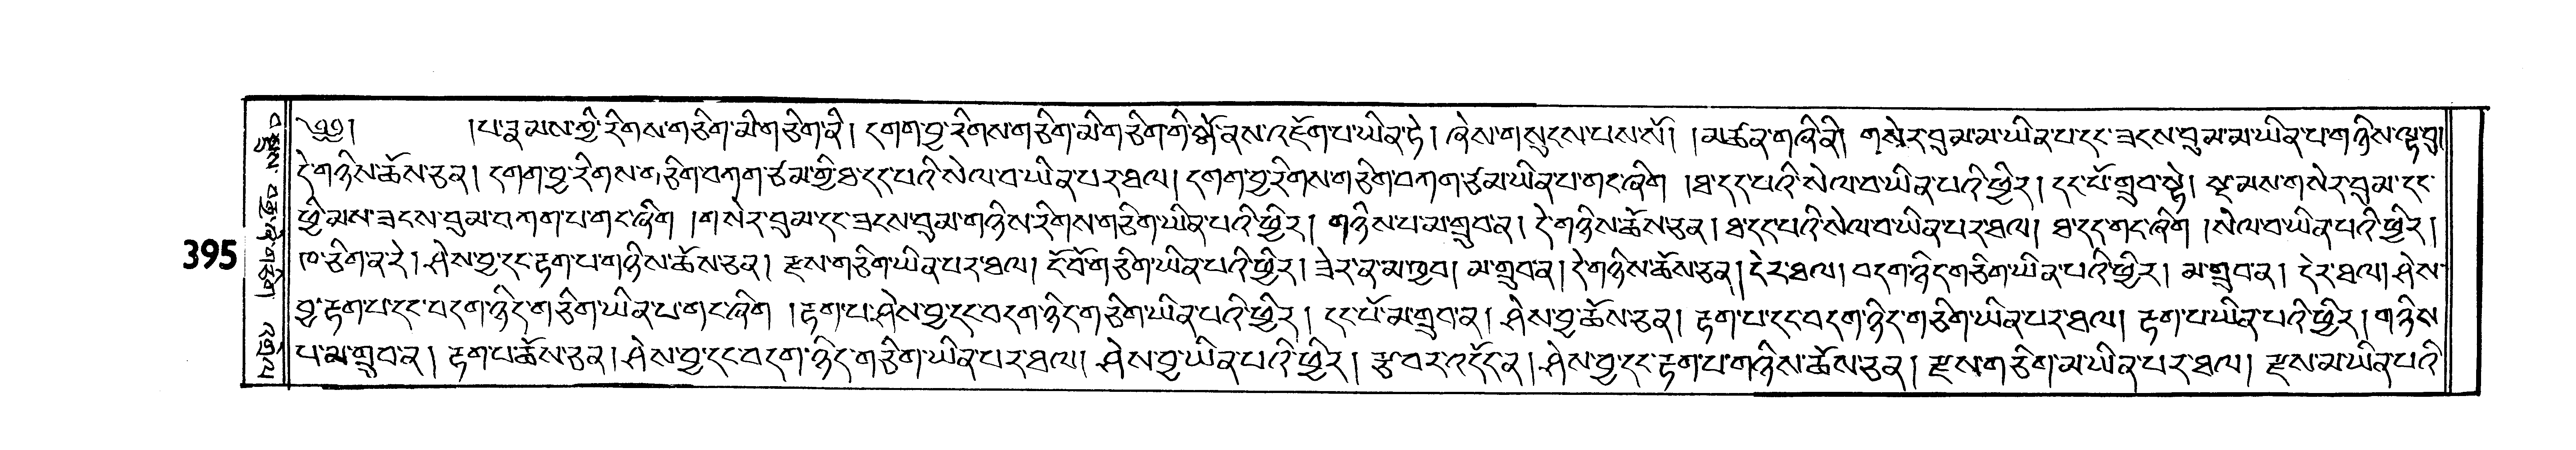༄༅། །པ་རྣམས་ཀྱི་རིགས་གཅིག་མི་གཅིག་ནི། དགག་བྱེ་རིགས་གཅིག་མི་གཅིག་གི་སྒོ་ནས་འཇོག་པ་ཡིན་ཏེ། ཞེས་གསུངས་པས་སོ། །མཚན་གཞི་ནི། གསེར་བུམ་མ་ཡིན་པ་དང་ཟངས་བུམ་མ་ཡིན་པ་གཉིས་ལྟ་བུ།
དེ་གཉིས་ཆོས་ཅན། དགག་བྱ་རིགས་གཅིག་བགག་ཙམ་གྱི་ཐ་དད་པའི་སེལ་བ་ཡིན་པར་ཐལ། དགག་བྱ་རིགས་གཅིག་བཀག་ཙམ་ཡིན་པ་གང་ཞིག །ཐ་དད་པའི་སེལ་བ་ཡིན་པའི་ཕྱིར། དང་པོ་གྲུབ་སྟེ། སྔ་མས་གསེར་བུམ་དང་
ཕྱི་མས་ཟངས་བུམ་བཀག་པ་གང་ཞིག །གསེར་བུ་བུམ་དང་ཟངས་བུམ་གཉིས་རིགས་གཅིག་ཡིན་པའི་ཕྱིར། གཉིས་པ་མ་གྲུབ་ན། དེ་གཉིས་ཆོས་ཅན། ཐ་དད་པའི་སེལ་བ་ཡིན་པར་ཐལ། ཐ་དད་གང་ཞིག །སེལ་བ་ཡིན་པའི་ཕྱིར།
ཁ་ཅིག་ན་རེ། ཤེས་བྱ་དང་རྟག་པ་གཉིས་ཆོས་ཅན། རྫས་གཅིག་ཡིན་པ་ཐལ། ངོ་བོ་གཅིག་ཡིན་པའི་ཕྱིར། ཟེར་ན་མ་ཁྱབ། མ་གྲུབ་ན། དེ་གཉིས་ཅན། དེར་ཐལ། བདག་ཉིད་གཅིག་ཡིན་པའི་ཕྱིར། མ་གྲུབ་ན། དེར་ཐལ། ཤེས་
བྱ་རྟག་པ་དང་བདག་ཉིད་གཅིག་ཡིན་པ་གང་ཞིག །རྟག་པ་ཤེས་བྱ་དང་བདག་ཉིད་གཅིག་ཡིན་པའི་ཕྱིར། དང་པོ་མ་གྲུབ་ན། ཤེས་བྱ་ཆོས་ཅན། རྟག་པ་དང་བདག་ཉིད་གཅིག་ཡིན་པར་ཐལ། རྟག་པ་ཡིན་པའི་ཕྱིར། གཉིས་
པ་མ་གྲུབ་ན། རྟག་པ་ཆོས་ཅན། ཤེས་བྱ་དང་བདག་ཉིད་གཅིག་ཡིན་པར་ཐལ། ཤེས་བྱ་ཡིན་པའི་ཕྱིར། རྩ་བར་འདོད་ན། ཤེས་བྱ་དང་རྟག་པ་གཉིས་ཆོས་ཅན། རྫས་གཅིག་མ་ཡིན་པར་ཐལ། རྫས་མ་ཡིན་པའི་